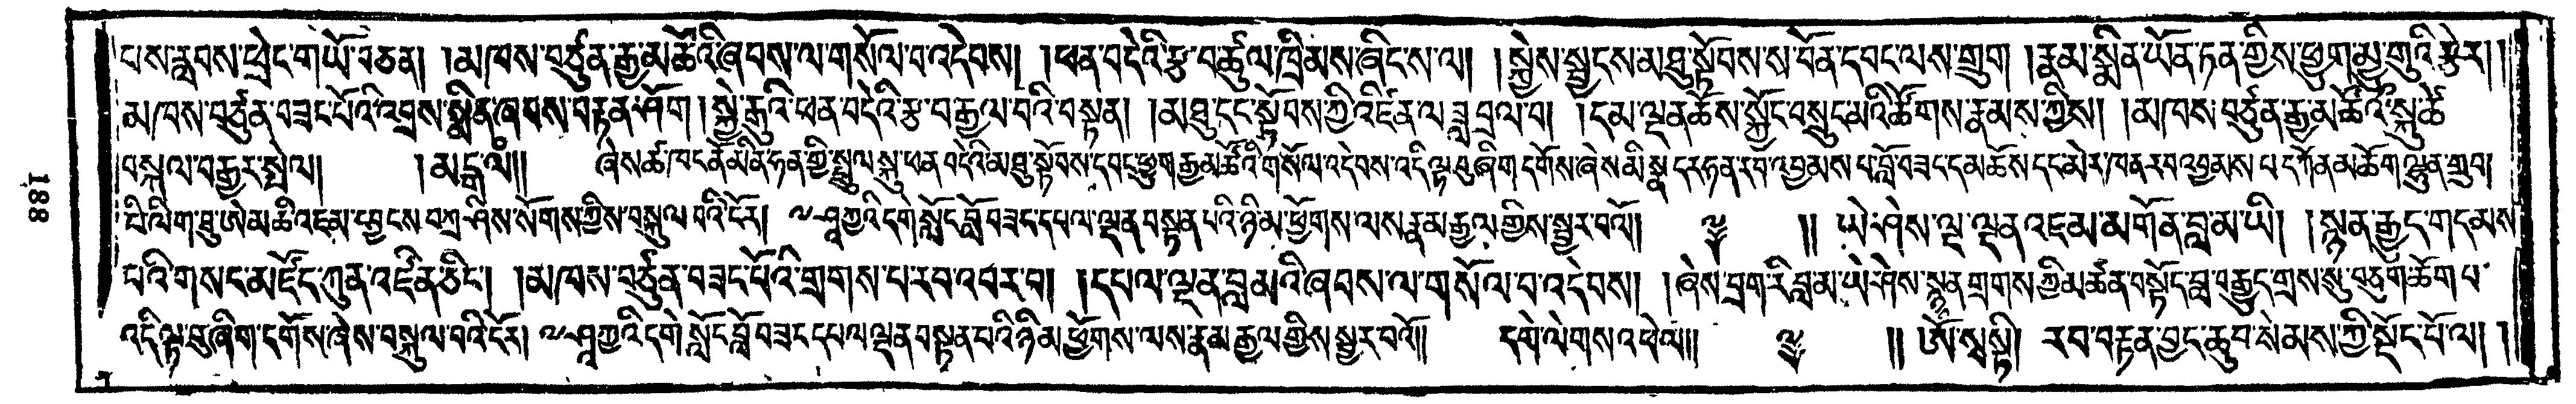པས་རླབས་ཕྲེང་གཡོ་བཅན། །མཁས་བཙུན་རྒྱ་མཚོའི་ཞབས་ལ་གསོལ་བ་འདེབས། །ཕན་བདེའི་རྩ་བ་ཚུལ་ཁྲིམས་ཞིང་ས་ལ། །སྐྱེས་སྦྱངས་མཐུ་སྟོབས་ས་བོན་དབང་ལས་གྲུབ། །རྣམ་སྨིན་ཡོན་ཏན་གྱིས་ཕྱུག་མྱུ་གུའི་རྩེར།།
མཁས་བཙུན་བཟང་པོའི་འབྲས་སྨིན་ཞབས་བརྟན་ཤོག །སྐྱེ་རྒུའི་ཕན་བདེའི་རྩ་བ་རྒྱལ་བའི་བསྟན། །མཐུ་དང་སྟོབས་ཀྱི་འཛིན་ལ་ཟླ་བྲལ་བ། །དམ་ལྡན་ཆོས་སྐྱོང་བསྲུང་མའི་ཚོགས་རྣམས་ཀྱིས། །མཁས་བཙུན་རྒྱ་མཚོའི་སྐུ་ཚེ་
བསྐལ་བརྒྱར་སྤེལ། །མངྒ་ལཾ།། ཞེས་ཚ་ཁང་ནོ་མིན་ཧན་གྱི་སྤྲུལ་སྐུ་ཕན་བདེའི་མཐུ་སྟོབས་དབང་ཕྱུག་རྒྱ་མཚོའི་གསོལ་འདེབས་འདི་ལྟ་བུ་ཞིག་དགོས་ཞེས་མི་སྣ་དར་ཧན་རབ་འབྱམས་པ་བློ་བཟང་དམ་ཆོས་དང་མེར་ཁན་རབ་འབྱམས་པ་དཀོན་མཆོག་ལྷུན་གྲུབ།
པི་ལིག་ཐུ་ཨེམ་ཆི་འཇམ་དབྱངས་བཀྲ་ཤིས་སོགས་ཀྱིས་བསྐུལ་བའི་ངོར། ༧་ཤཱཀྱའི་དགེ་སློང་བློ་བཟང་དཔལ་ལྡན་བསྟན་པའི་ཉི་མ་ཕྱོགས་ལས་རྣམ་རྒྱལ་གྱིས་སྦྱར་བའོ།། ༈ །།ཡེ་ཤེས་ལྡ་ལྡན་ཇམ་མགོན་བླ་མ་ཡི། །སྙན་རྒྱུད་གདམས་
པའི་གསང་མཛོད་ཀུན་འཛིན་ཅིང་། །མཁས་བཙུན་བཟང་པོའི་གྲགས་པ་རབ་འབར་བ། །དཔལ་ལྡན་བླ་མའི་ཞབས་ལ་གསོལ་བ་འདེབས། །ཞེས་བྲག་རི་བླ་མ་ཡེ་ཤེས་སྙན་གྲགས་ཀྱི་མཚན་བསྟོད་བླ་བརྒྱུད་གྲས་སུ་བཅུག་ཆོག་པ་
འདི་ལྟ་བུ་ཞིག་དགོས་ཞེས་བསྐུལ་བའི་ངོར། ༧་ཤཱཀྱའི་དགེ་སློང་བློ་བཟང་དཔལ་ལྡན་བསྟན་པའི་ཉི་མ་ཕྱོགས་ལས་རྣམ་རྒྱལ་གྱིས་སྦྱར་བའོ།། དགེ་ལེགས་འཕེལ།། ༈ །།ཨོཾ་སྭ་སྟི། རབ་བརྟན་བྱང་ཆུབ་སེམས་ཀྱི་སྡོང་པོ་ལ། །